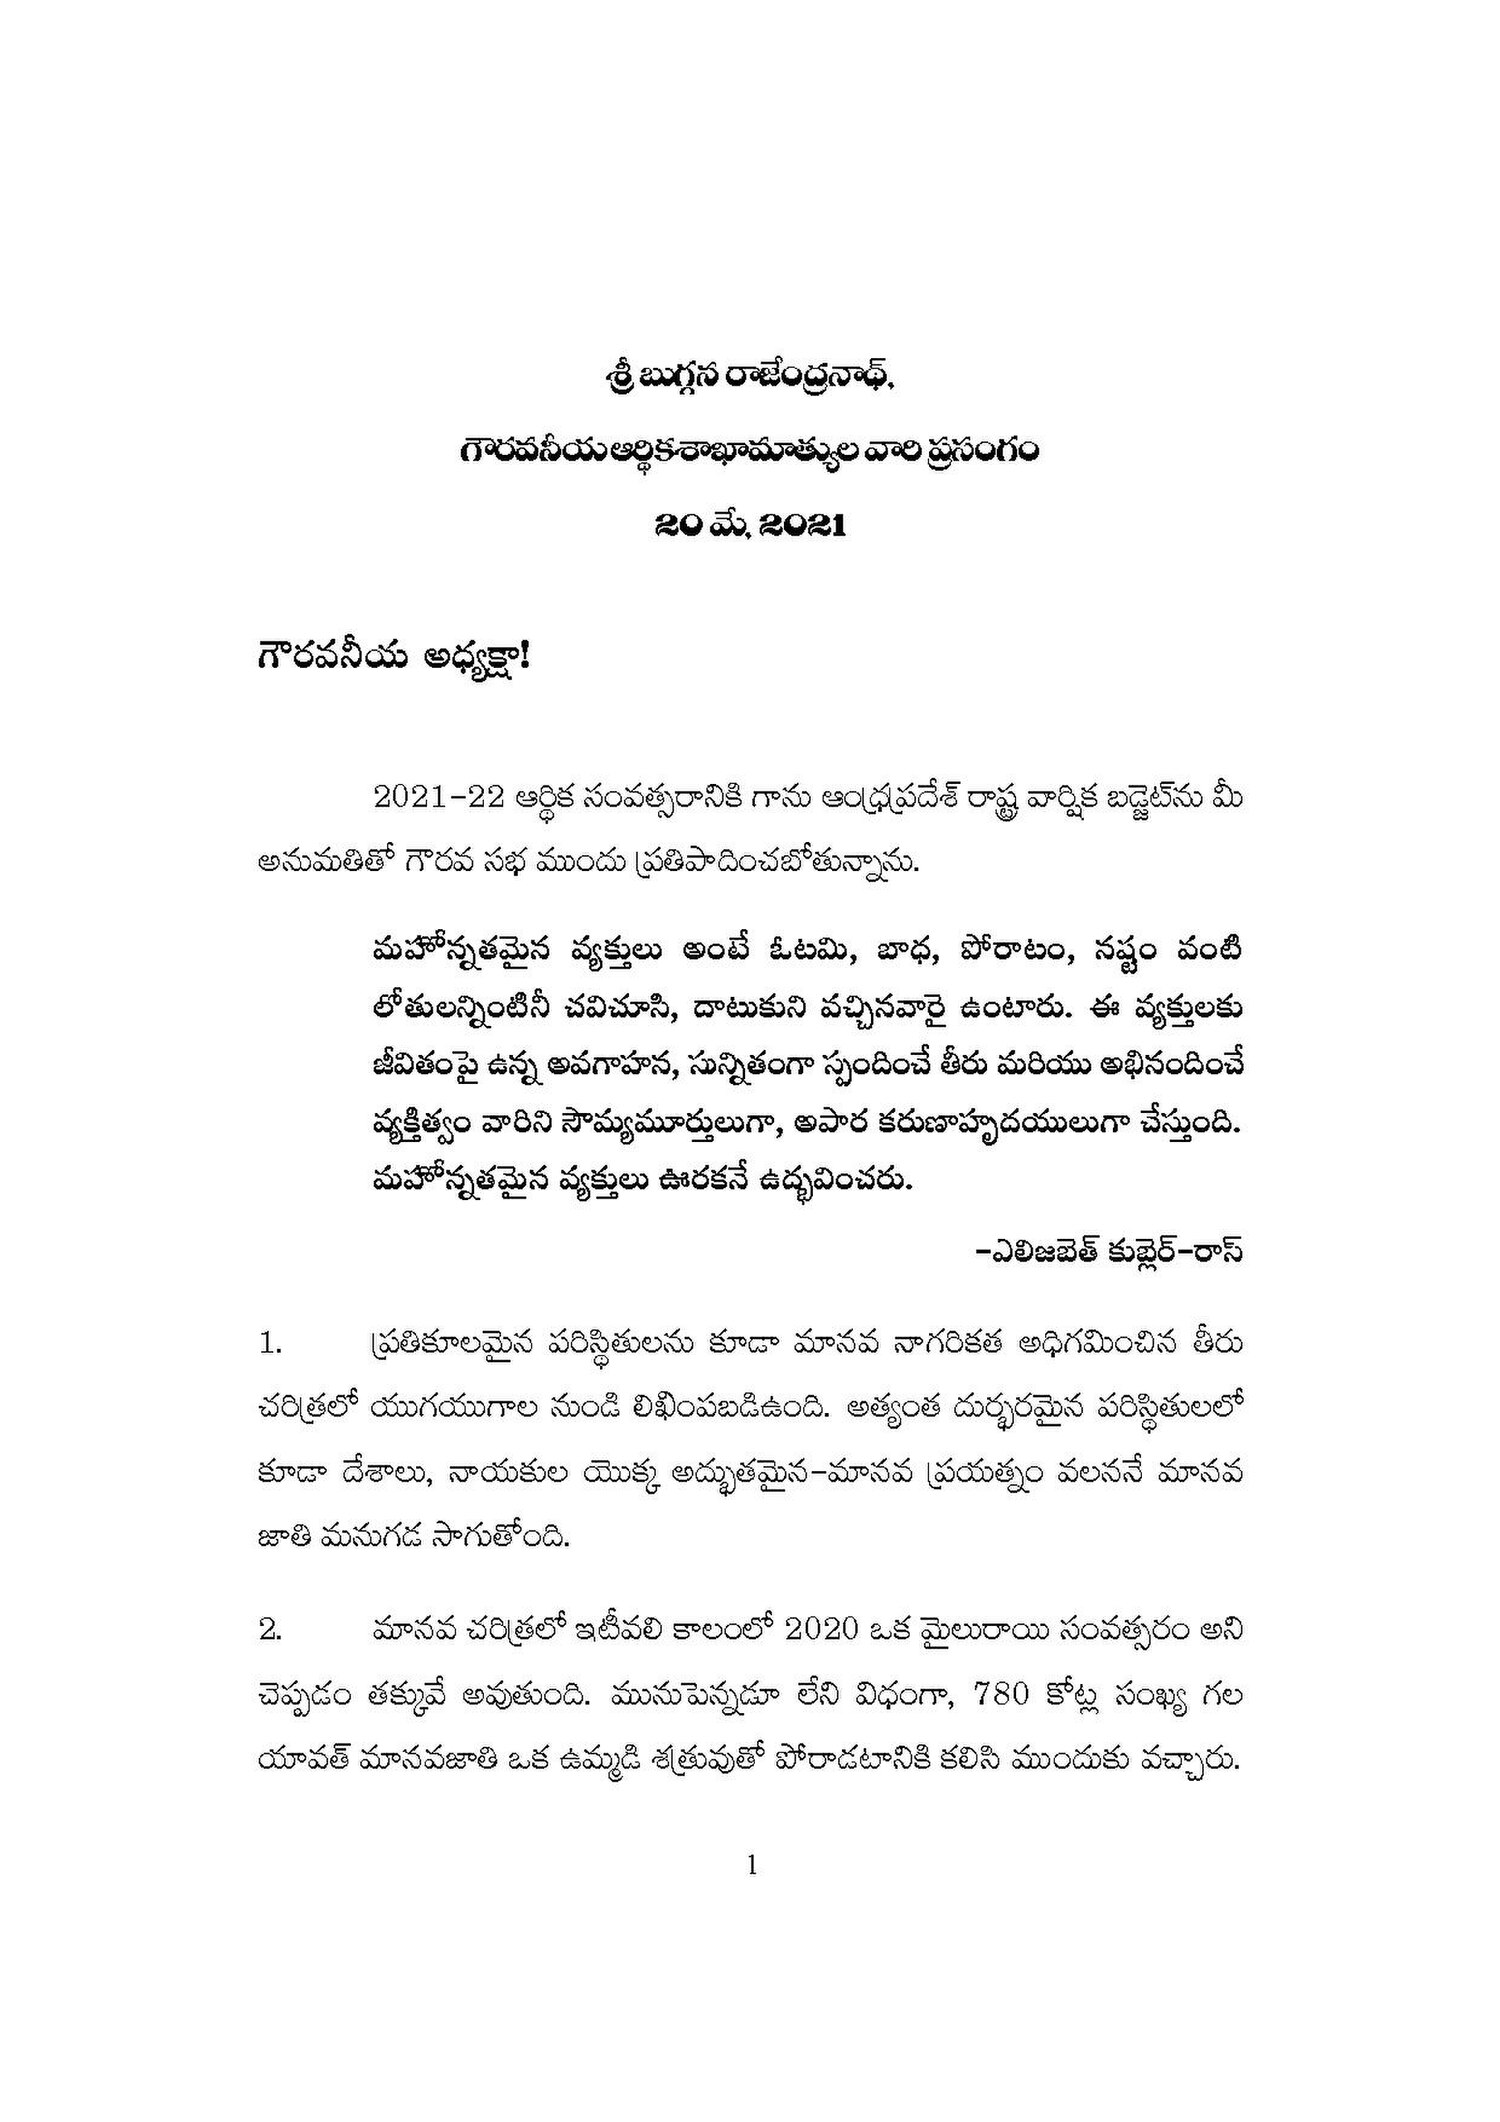శ్రీ బుగ్గన రాజేంద్రనాథ్,
గౌరవనీయ ఆర్థికశాఖామాత్యుల వారి ప్రసంగం
20 మే, 2021

గౌరవనీయ అధ్యక్షా!

2021-22 ఆర్థిక సంవత్సరానికి గాను ఆంధ్రప్రదేశ్ రాష్ట్ర వార్షిక బడ్జెట్ ను మీ
అనుమతితో గౌరవ సభ ముందు ప్రతిపాదించబోతున్నాను.

1. ప్రతికూలమైన పరిస్థితులను కూడా మానవ నాగరికత అధిగమించిన తీరు
చరిత్రలో యుగయుగాల నుండి లిఖింపబడి ఉంది. అత్యంత దుర్భరమైన పరిస్థితులలో
కూడా దేశాలు, నాయకుల యొక్క అద్భుతమైన మానవ ప్రయత్నం వలననే మానవ
జాతి మనుగడ సాగుతోంది.

2. మానవ చరిత్రలో ఇటీవలి కాలంలో 2020 ఒక మైలురాయి సంవత్సరం అని
చెప్పడం తక్కువే అవుతుంది. మునుపెన్నడూ లేని విధంగా, 780 కోట్ల సంఖ్య గల
యావత్ మానవజాతి ఒక ఉమ్మడి శత్రువుతో పోరాడటానికి కలిసి ముందుకు వచ్చారు.